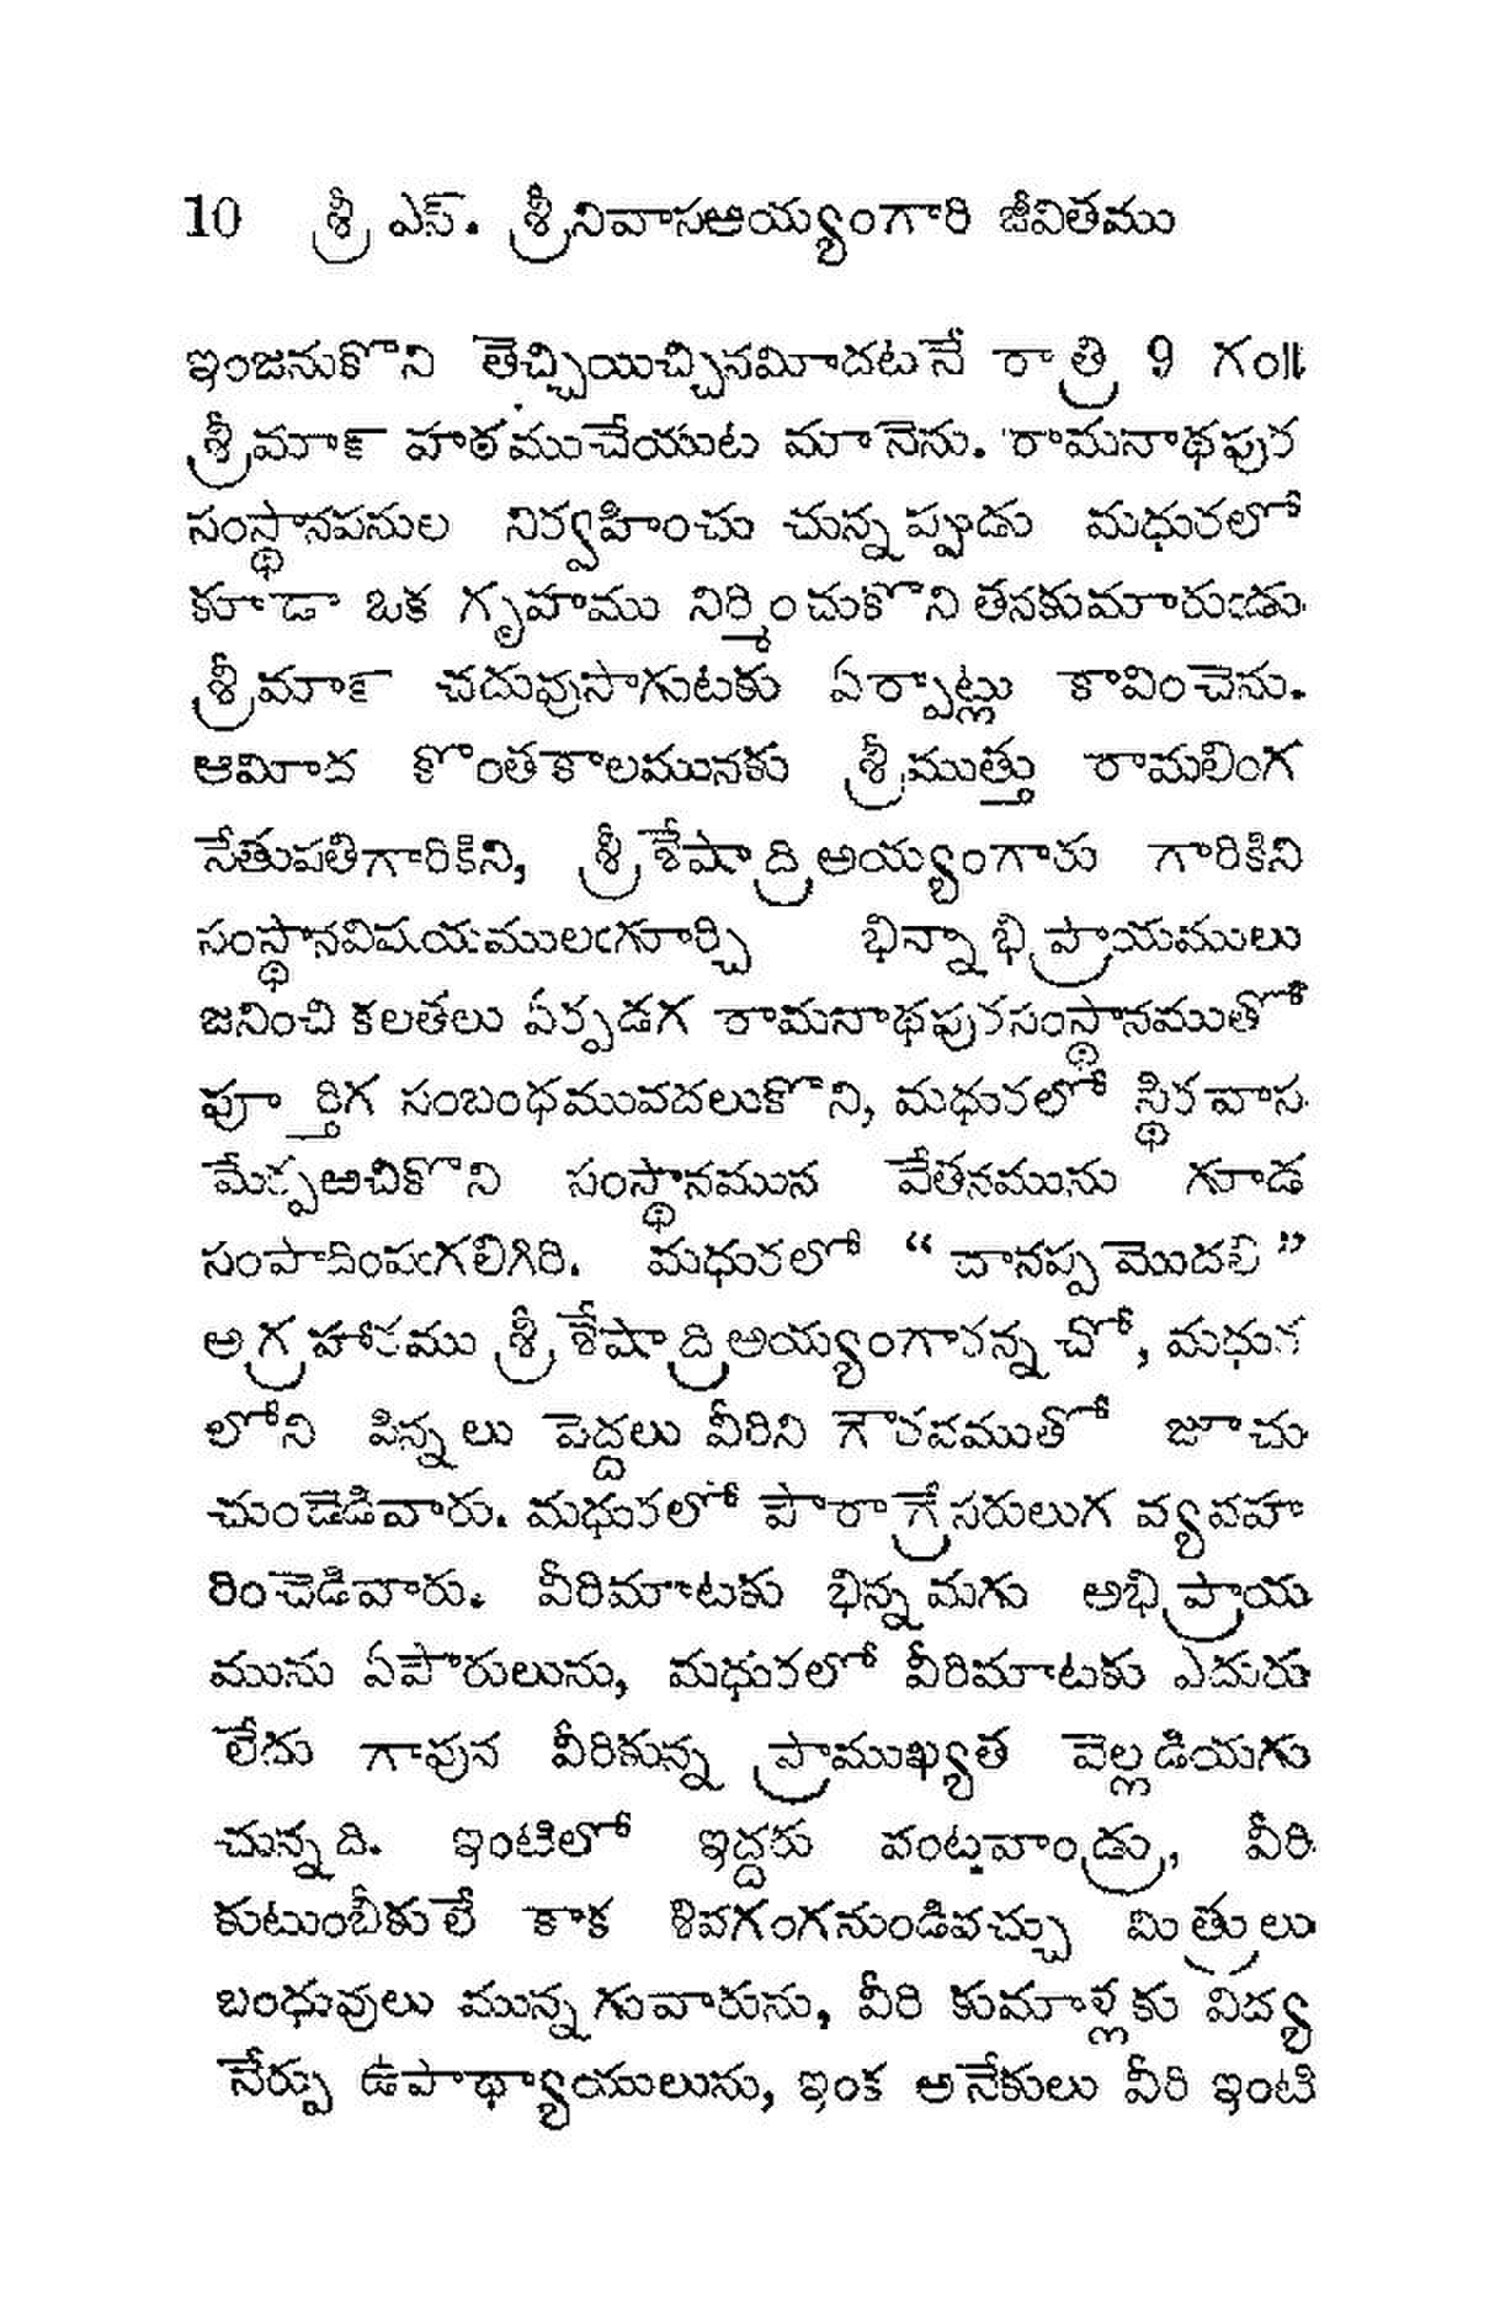ఇంజనుకొని తెచ్చియిచ్చినమీదటనే రాత్రి 9 గం|| శ్రీమా౯ హఠముచేయుట మానెను. రామనాథపుర సంస్థానపనుల నిర్వహించు చున్నప్పుడు మధురలో కూడా ఒక గృహము నిర్మించుకొని తనకుమారుఁడు. శ్రీమా౯ చదువుసాగుటకు ఏర్పాట్లు కావించెను. ఆమీద కొంతకాలమునకు శ్రీముత్తు రామలింగసేతుపతిగారికిని, శ్రీశేషాద్రిఅయ్యంగారు గారికిని సంస్థానవిషయములఁగూర్చి భిన్నాభిప్రాయములు జనించి కలతలు ఏర్పడగ రామనాథపురసంస్థానముతో పూర్తిగ సంబంధమువదలుకొని, మధురలో స్థిరవాస మేర్పఱచికొని సంస్థానమున వేతనమును గూడ సంపాదింపఁగలిగిరి. మధురలో “దానప్ప మొదలి ” అగ్రహారము శ్రీశేషాద్రిఅయ్యంగారన్నచో, మధురలోని పిన్నలు పెద్దలు వీరిని గౌరవముతో జూచు చుండెడివారు. మధురలో పౌరాగ్రేసరులుగ వ్యవహరించెడివారు. వీరిమాటకు భిన్నమగు అభిపాయమును ఏపౌరులును, మధురలో వీరిమాటకు ఎదురులేదు గావున వీరికున్న ప్రాముఖ్యత వెల్లడియగుచున్నది. ఇంటిలో ఇద్దరు వంటవాండ్రు. వీరి కుటుంబీకులే కాక శివగంగనుండివచ్చు. మిత్రులు బంధువులు మున్నగువారును, వీరి కుమాళ్లకు విద్యనేర్పు ఉపాధ్యాయులును, ఇంక అనేకులు వీరి ఇంటి